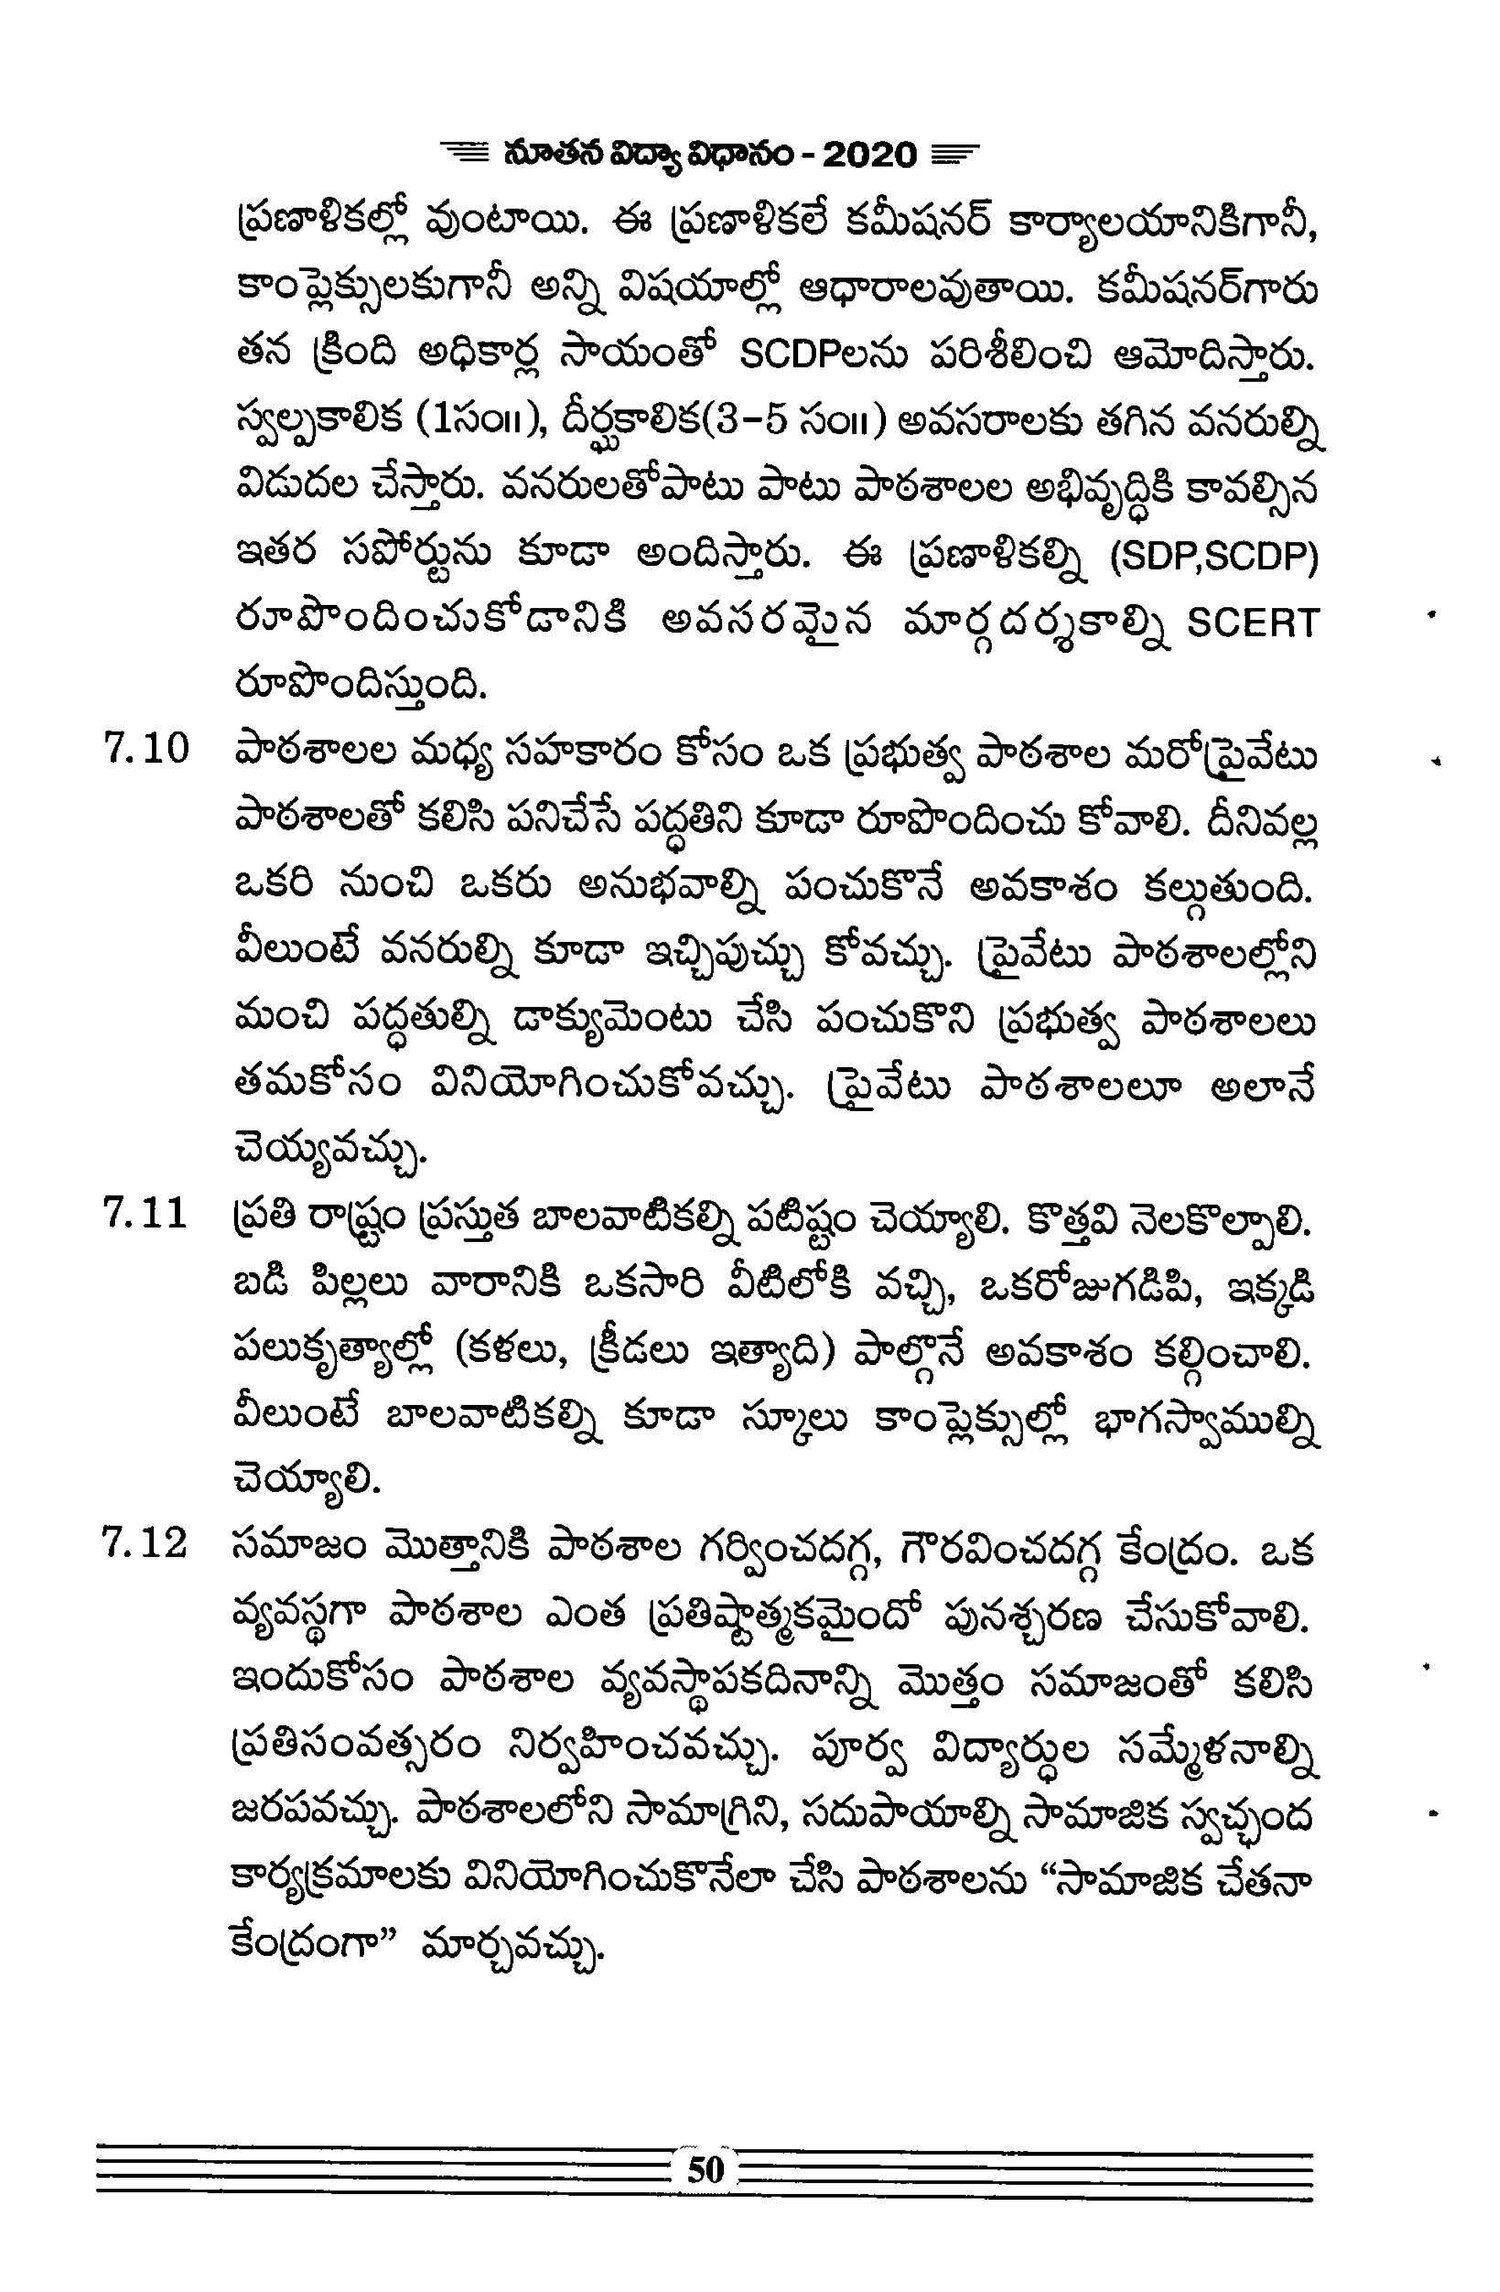ప్రణాళికల్లో ఉంటాయి. ఈ ప్రణాళికలే కమీషనర్ కార్యాలయానికీ, కాంప్లెక్సులకు అన్ని విషయాల్లో ఆధారాలుగా ఉంటాయి. కమీషనర్ గారు తన క్రింది అధికారుల సాయంతో SCDPలను పరిశీలించి ఆమోదిస్తారు. స్వల్పకాలిక (1 సంవత్సరం), దీర్ఘకాలిక (3-5 సంవత్సరాలు) అవసరాలకు తగిన వనరులను విడుదల చేస్తారు. వనరులతో పాటు పాఠశాలల అభివృద్ధికి కావలసిన ఇతర సపోర్టును కూడా అందిస్తారు.
ఈ ప్రణాళికలను (SDP, SCDP) రూపొందించడానికి అవసరమైన మార్గదర్శకాలను SCERT రూపొందిస్తుంది.

7.10 పాఠశాలల మధ్య సహకారం కోసం ఒక ప్రభుత్వ పాఠశాల మరో ప్రైవేటు పాఠశాలతో కలిసి పనిచేసే విధానాన్ని కూడా రూపొందించాలి. దీనివల్ల ఒకరి నుంచి మరోరికి అనుభవాలను పంచుకునే అవకాశాలు కలుగుతాయి. వీలైతే వనరులను కూడా ఇచ్చిపుచ్చుకోవచ్చు. ప్రైవేటు పాఠశాలల్లోని మంచి పద్ధతులను డాక్యుమెంట్ చేసి పంచుకుని, ప్రభుత్వ పాఠశాలలు తమకోసం వినియోగించుకోవచ్చు. ప్రైవేటు పాఠశాలలు కూడా ఇదే విధంగా చేయవచ్చు.

7.11 ప్రతి రాష్ట్రం ప్రస్తుత బాలవాటికలను పటిష్టం చేసుకోవాలి మరియు కొత్తవిని నెలకొల్పాలి. బడిలోని పిల్లలు వారానికి ఒకసారి ఈ బాలవాటికలకు వచ్చి, ఒక రోజు గడిపి ఇక్కడి కార్యకలాపాల్లో (కళలు, క్రీడలు, ఇత్యాది) పాల్గొనే అవకాశం కల్పించాలి. వీలైతే బాలవాటికలను కూడా స్కూల్ కాంప్లెక్సుల భాగస్వాములుగా చేయాలి.

7.12 సమాజం మొత్తం పాఠశాలను గర్వించదగ్గ, గౌరవించదగ్గ కేంద్రంగా అభివృద్ధి చేయాలి. పాఠశాల ఎంత ప్రతిష్టాత్మకమైందో పునరాలోచన చేయాలి. దీనికోసం పాఠశాల వ్యవస్థాపక దినోత్సవాన్ని మొత్తం సమాజంతో కలిసి ప్రతి సంవత్సరం నిర్వహించవచ్చు. పూర్వ విద్యార్థుల సమ్మేళనాలను కూడా నిర్వహించవచ్చు. పాఠశాలలోని సామగ్రి, సదుపాయాలను సామాజిక స్వచ్ఛంద కార్యక్రమాలకు వినియోగించుకునేలా చేసి, పాఠశాలను “సామాజిక చేతనాకేంద్రంగా” మార్చవచ్చు.